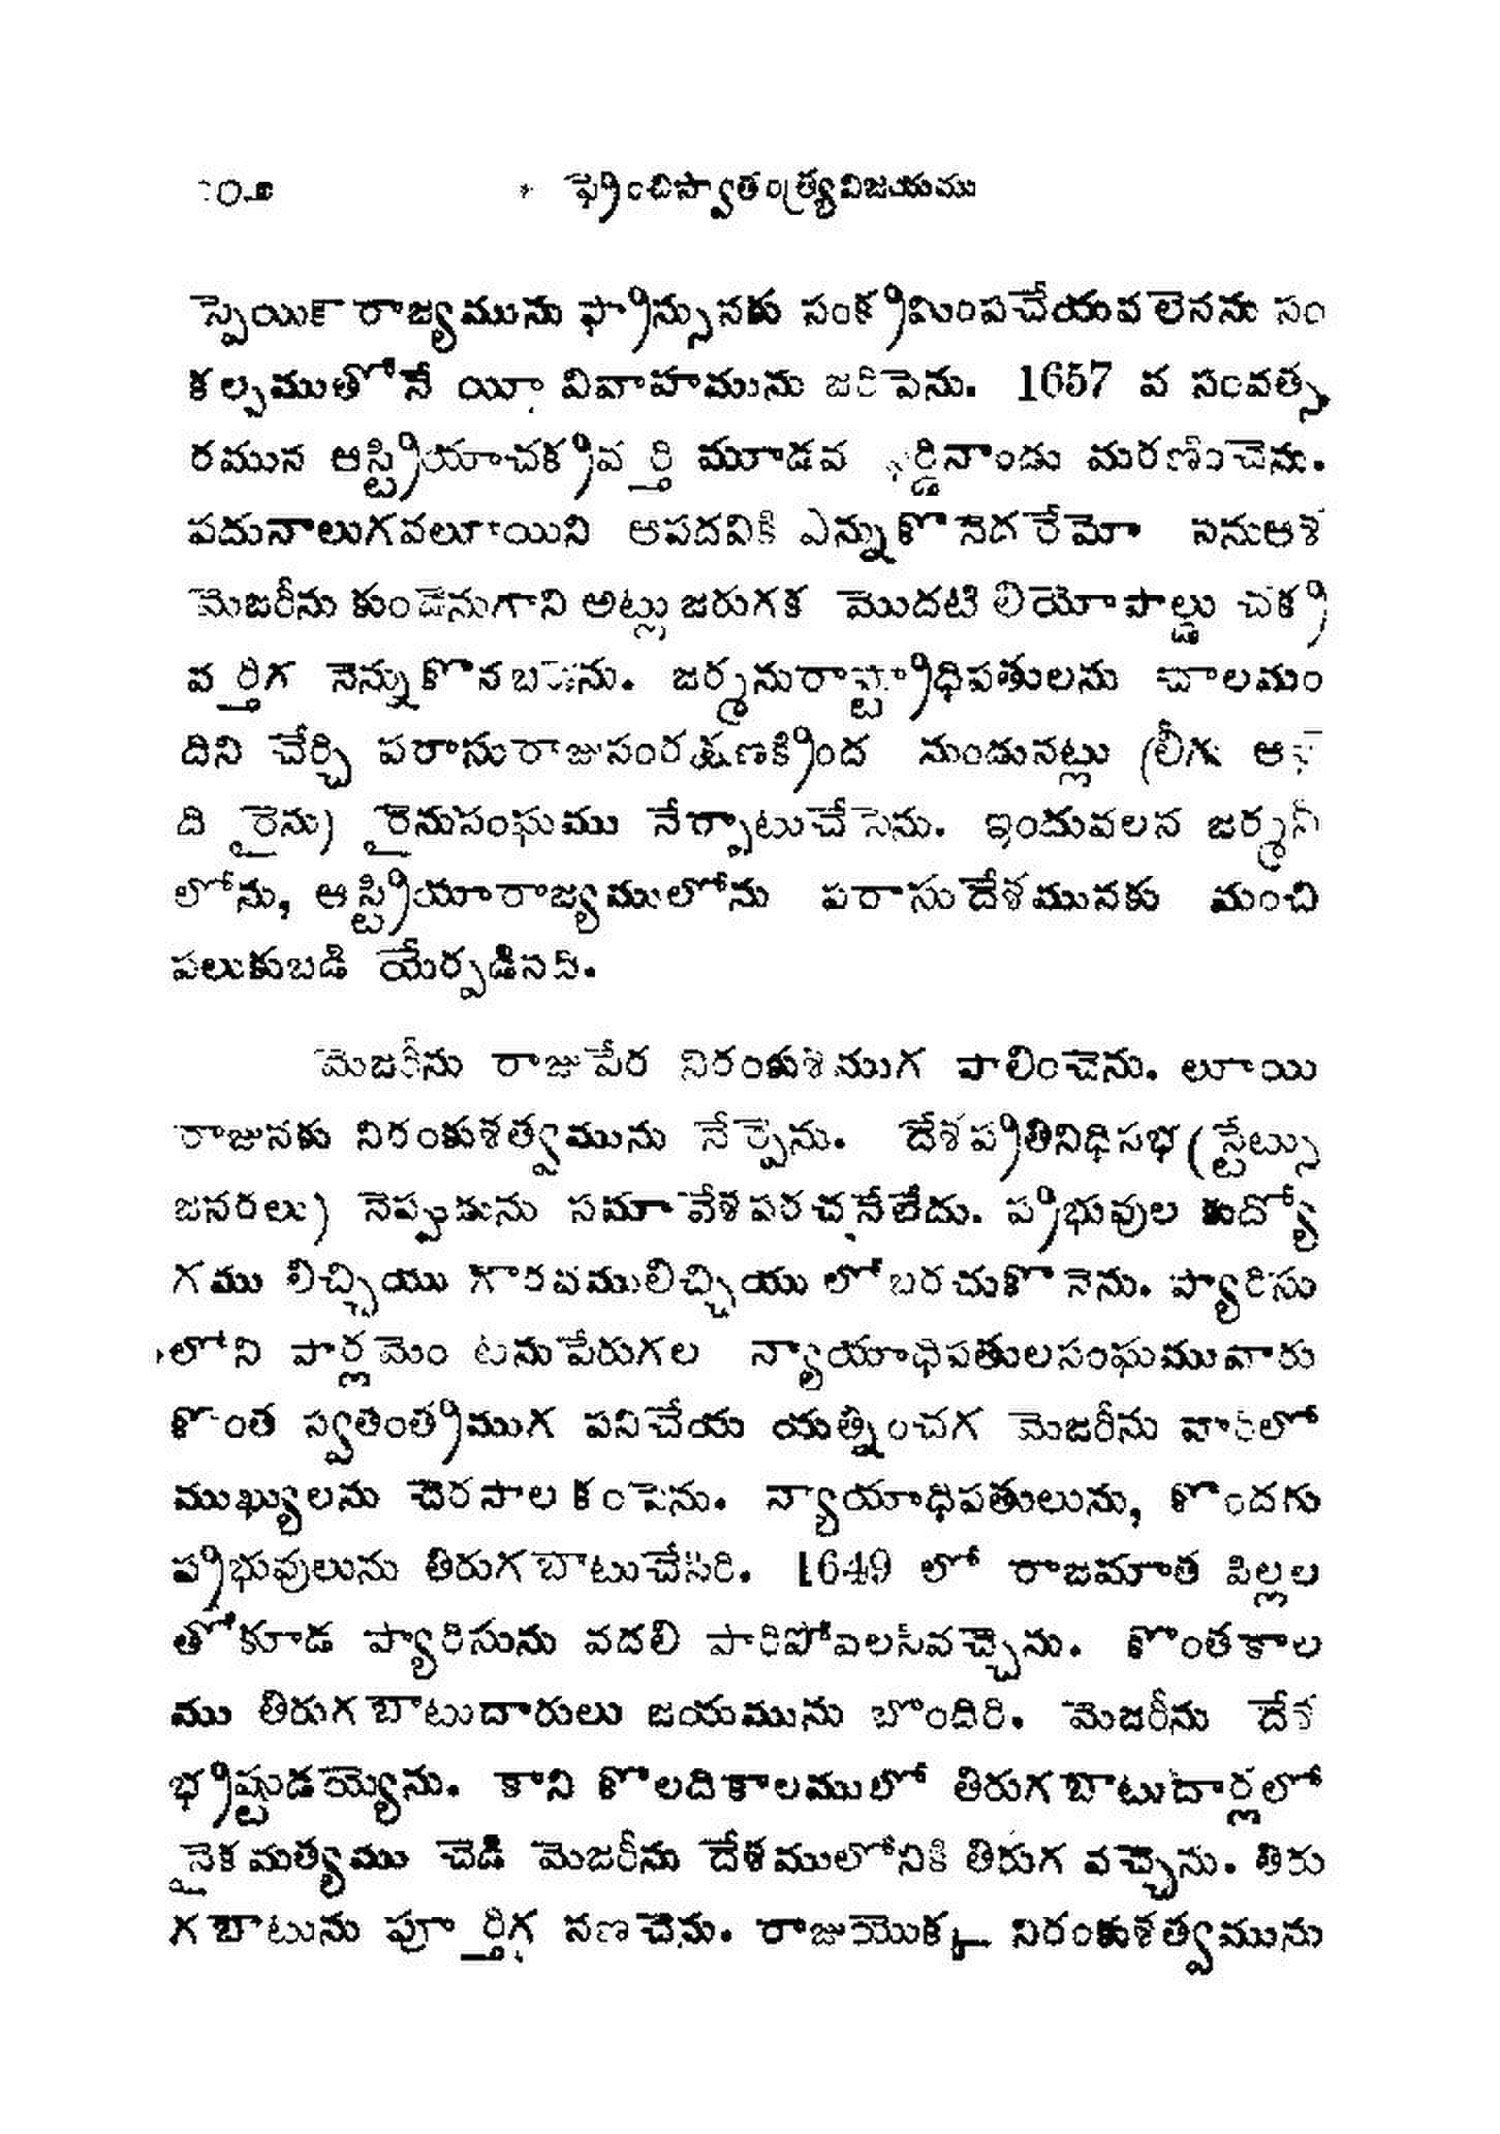స్పెయిన్ రాజ్యమును ఫ్రాన్సుసకు సంక్రమింపచేయ వలెనను సం
కల్పము తోనే యీ వివాహమును జరిపెను. 1657 వ సంవత్స
రమున ఆస్ట్రియా చరవర్తి మూడవ ఎర్డినాండు మరణించెను.
పదునాలుగవ లూయిని అపదవికి ఎన్నుకొనెదరేమో నను అశ
మెజరీను కుండెను గాని అట్లు జరుగక మొదటి లియోపాల్టు చక్ర
పర్తిగ నెన్ను కొన బడెను. జర్మను రాష్ట్రాధిపతులను చాలమం
దిని చేర్చి పరాసు రాజు సంరక్షణ క్రింద నుండునట్లు (లీగు ఆ
ది రైను) రైను సంఘము నేర్పాటు చేసెను. ఇందువలన జర్మన్
లోను, ఆస్ట్రియా రాజ్యము లోను పరాసు దేశమునకు మంచి
పలుకుబడి యేర్పడినది.

మెజరీను రాజు పేర నిరంకుశముగ పాలించెను. లూయి
రాజునకు నిరంకుశత్వమును నేర్పేను. దేశ ప్రతినిధి సభ (స్టేట్సు
జనరలు) నెప్పుడును సమావేశ పరచ నేలేదు. ప్రభువుల కుద్యో
గము లిచ్చియు గౌరవము లిచ్చియు లోబరచు కొనెను. ప్యారిసు
లోని పార్లమెంటను పేరుగల న్యాయాధీపతుల సంఘమువారు
కొంత స్వతంత్రముగ పనిచేయు యత్నించగ మెజరీను వాటిలో
ముఖ్యులను చెరసాల కంపెను. న్యాయాధిపతులును, కొందరు
ప్రభువులును తిరుగ బాటు చేసిరి. 1649 లో రాజమాత పిల్లల
తోకూడ ప్యారిసును వదలి పారిపోవలసి వచ్చెను. కొంతకాల
ము తిరుగ బాటుదారులు జయమును బొందిరి. మెజరీను దేశ
భ్రష్టుడయ్యెను. కానీ కొలది కాలములో తిరుగ బాటుదార్లలో
నైకమత్యము చెడి 'మెజరీసు దేశములోనికి తిరుగ వచ్చెను. తిరు
గబాటును పూర్తిగ సణ చెను. 'రాజు యొక్క నిరంకుశత్వమును